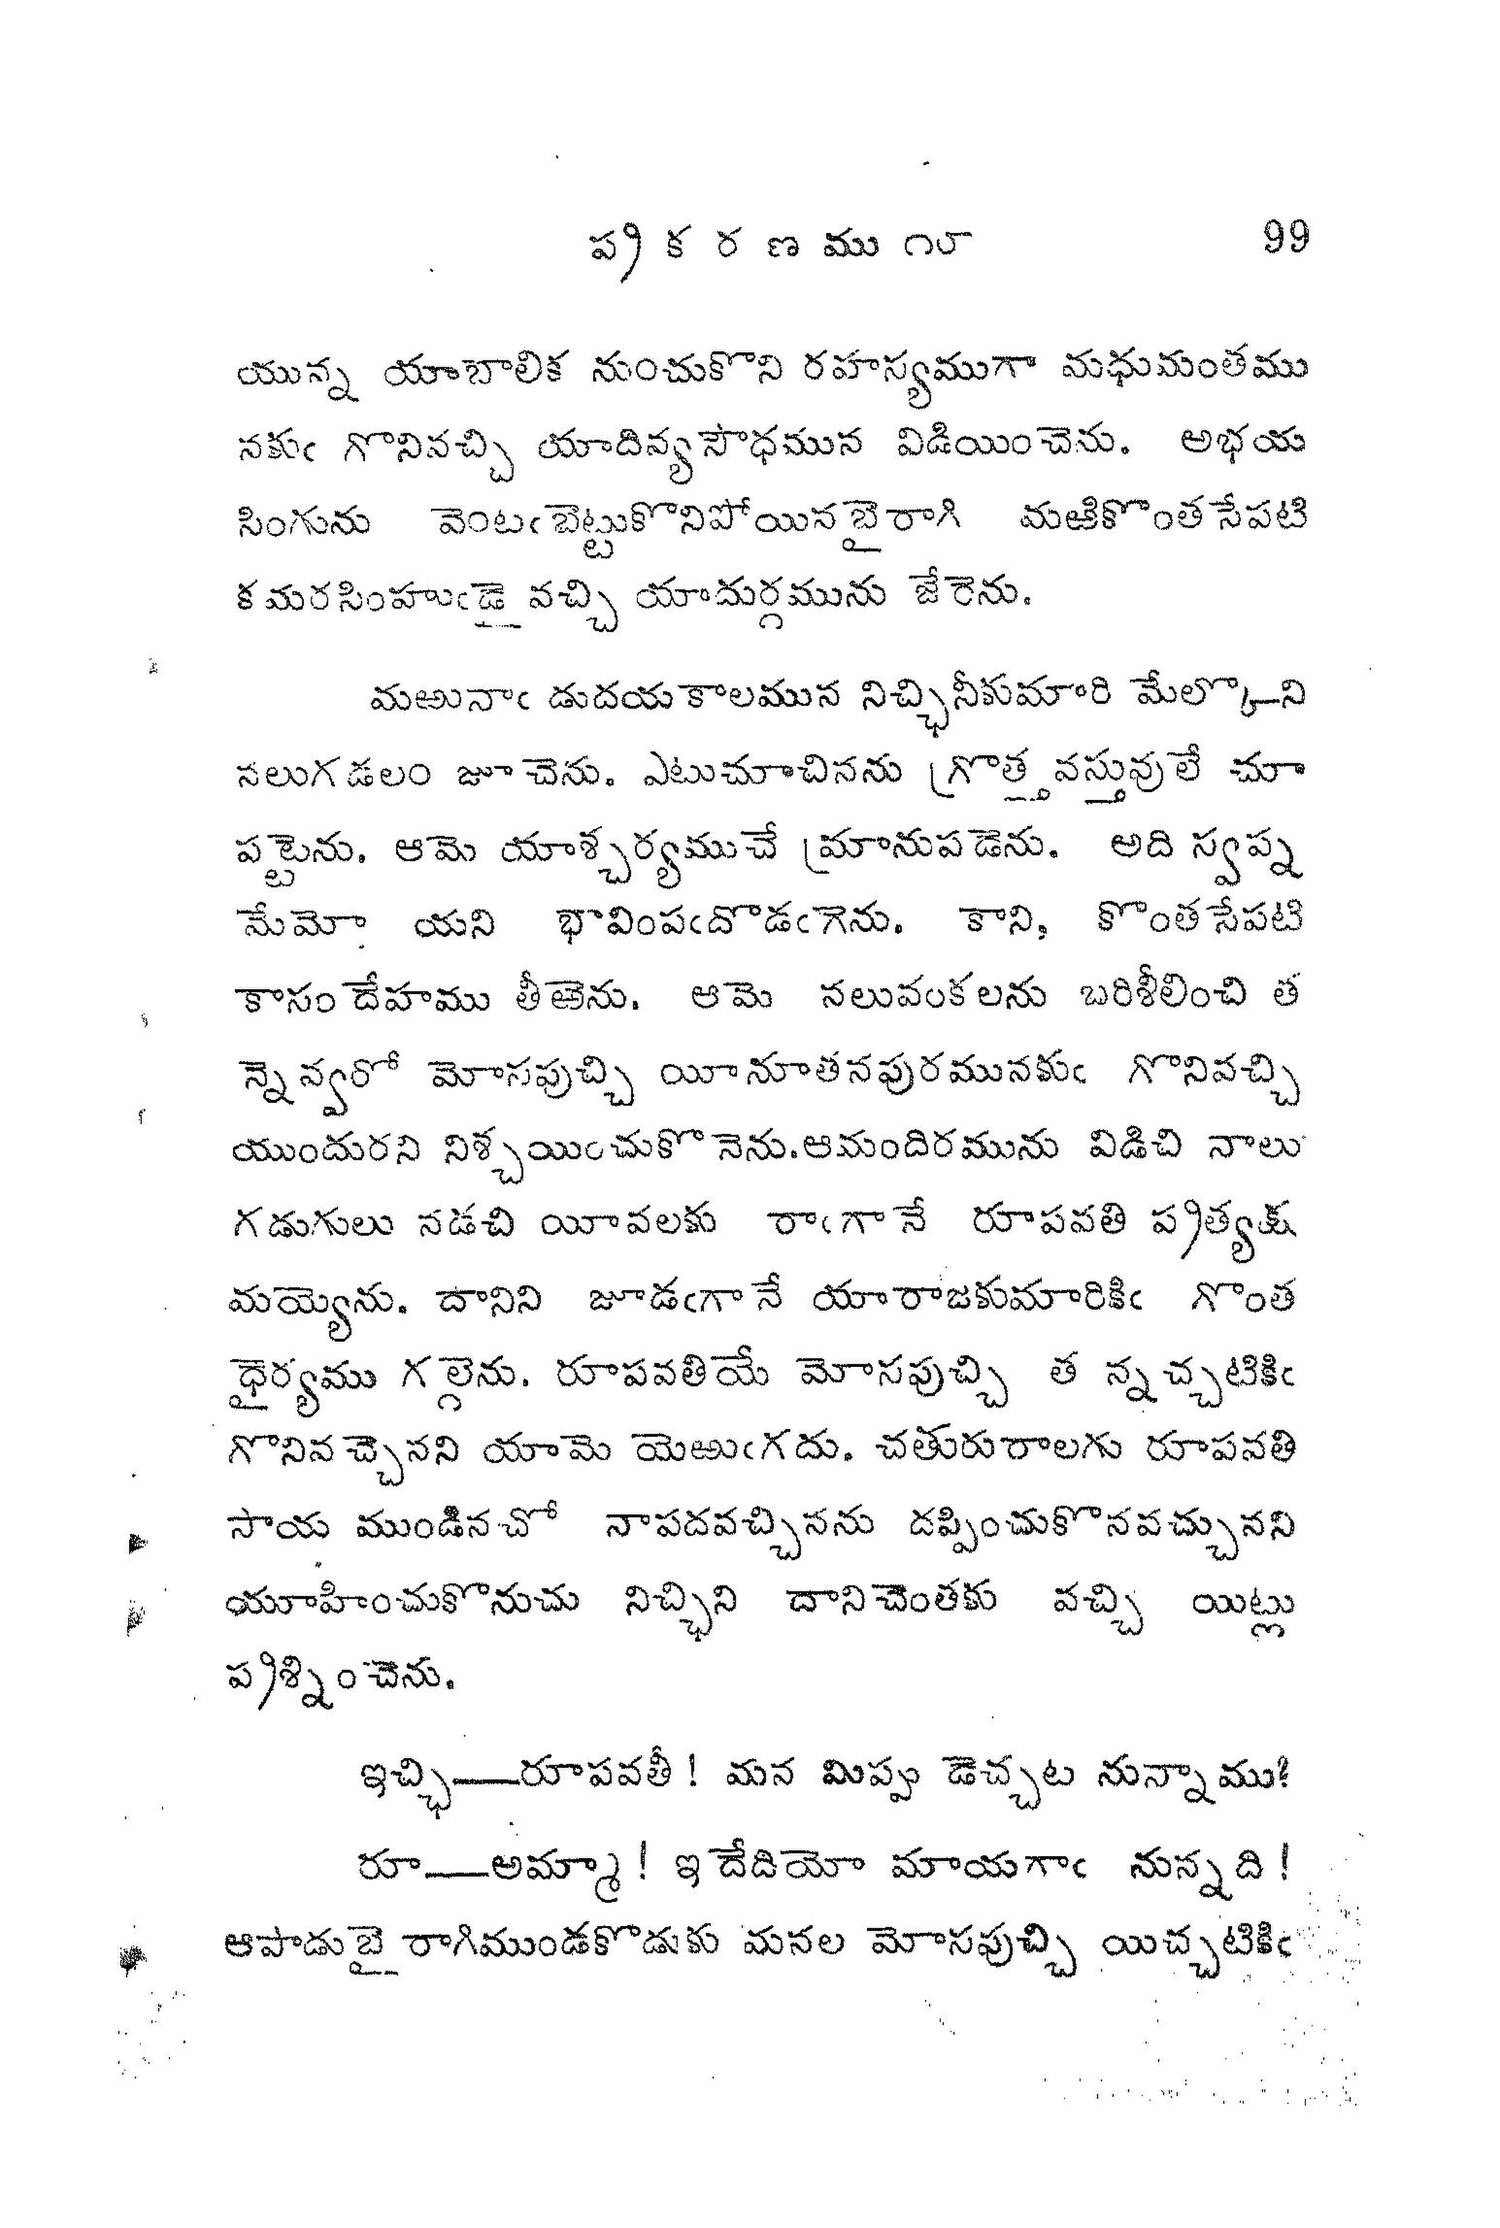యున్న యాబాలిక నుంచుకొని రహస్యముగా మధుమంతము నకు గొనినచ్చి యాదిన్య సౌధమున విడియించెను. అభయ సింగును వెంటఁ బెట్టుకొనిపోయిన బైరాగి మరికొంత సేపటి కమరసింహుండె వచ్చి యాదుర్గమును జేరెను. మఱునాఁ డుదయ కాలమున నిచ్ఛినీకుమారి మేల్కొని సలుగడలం జూచెను. ఎటుచూచినను క్రొత్త వస్తువు లే చూ పట్టెను. ఆమె యాశ్చర్యముచే మ్రానుప డెను. అది స్వప్న మేమో యని భావింపఁదొడఁగెను. కాని, కొంత సేపటి కాసం దేహము తీరెను. ఆమె నలువంకలను బరిశీలించి త న్నె స్వరో మోసపుచ్చి యీ నూతనపురమునకుఁ గొనివచ్చి యుందురని నిశ్చయించుకొనెను. ఆమందిరమును విడిచి నాలు గడుగులు నడచి యీవలకు రాఁగా నే రూపవతి ప్రత్యక్ష మయ్యెను. దానిని జూడఁగా నే యా రాజకుమారికిఁ గొంత ధైర్యము గల్లెను. రూపవతియే మోసపుచ్చి త న్నచ్చటికి గొనిన చ్చెనని యామె యెఱుఁగదు. చతురు రాలగు రూపనతి సాయ ముండిన చో నా పదవచ్చినను దప్పించుకొనవచ్చునని యూహించుకొనుచు నిచ్ఛిని దాని చెంతకు వచ్చి యిట్లు ప్రశ్నించెను.

ఇచ్ఛి: — రూపవతీ ! మన మిప్పు డెచ్చట నున్నాము?

రూ: -అమ్మా ! ఇ దేదియో మాయగాఁ నున్నది ! ఆపాడు బై రాగిముండ కొడుకు మనల మోసపుచ్చి యిచ్చ